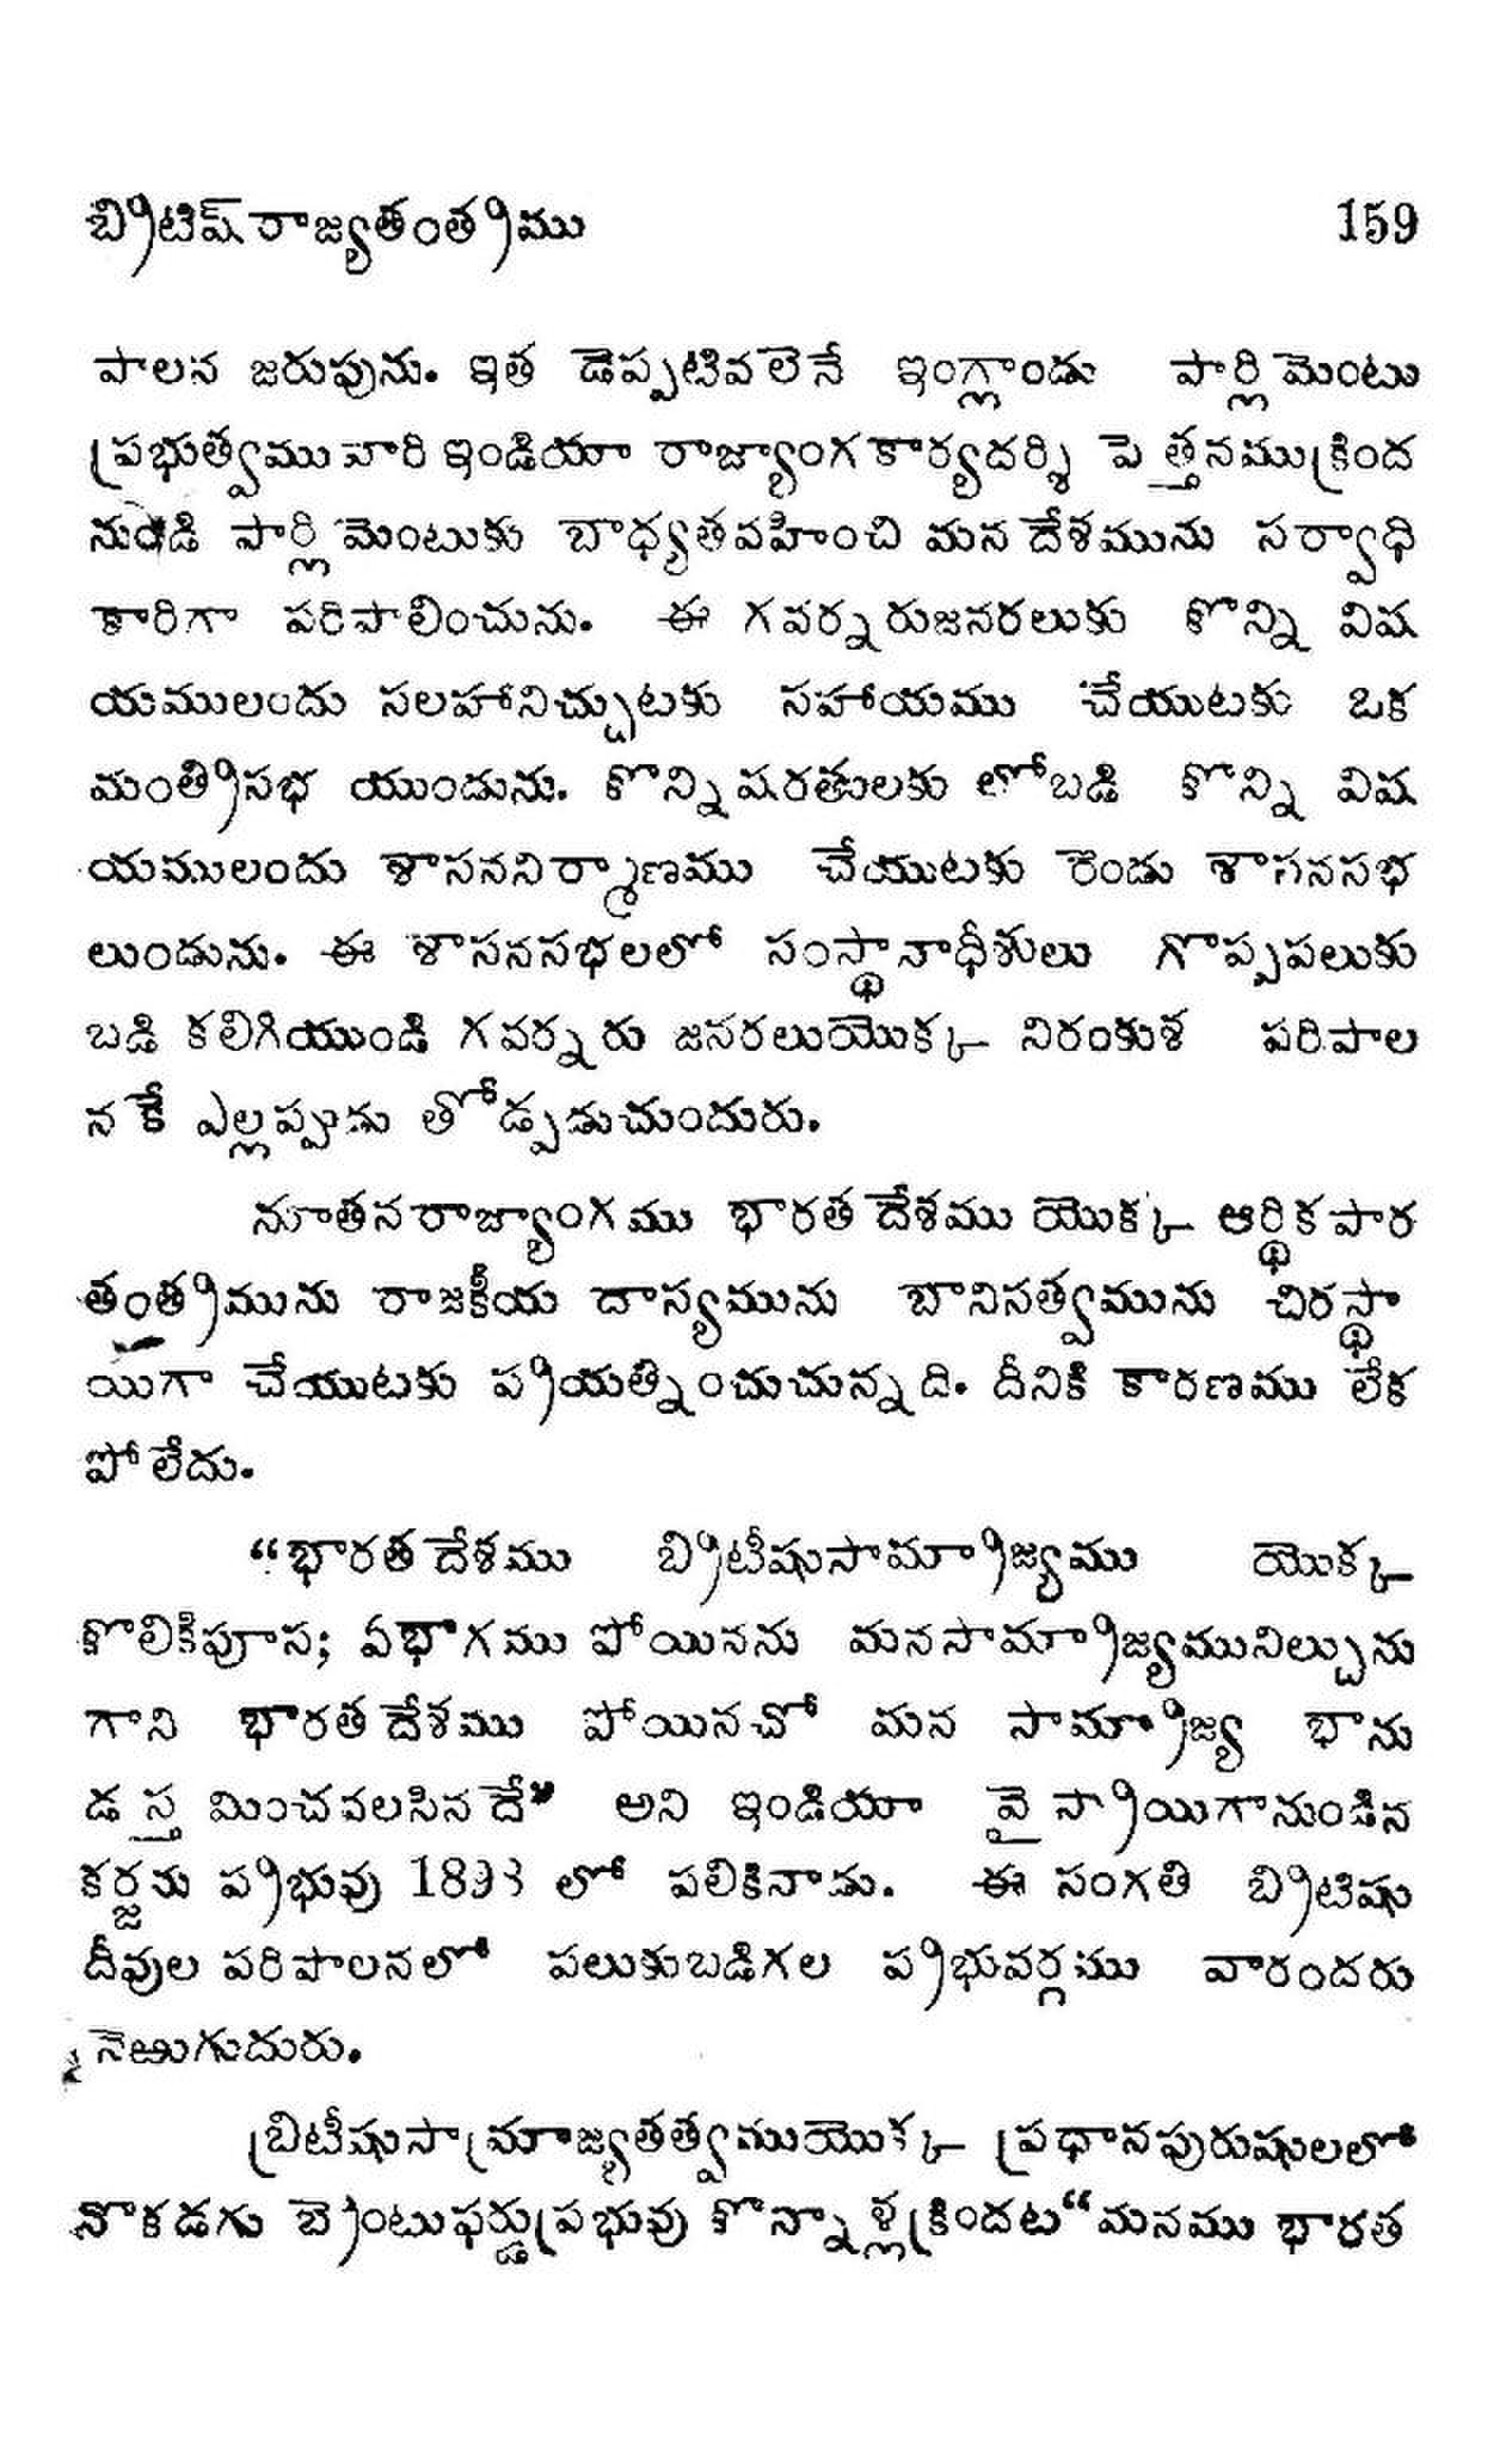పాలన జరుపును. ఇత డెప్పటివలెనే ఇంగ్లాండు పార్లిమెంటు ప్రభుత్వమువారి ఇండియా రాజ్యాంగకార్యదర్శి పెత్తనము క్రింద నుండి పార్లిమెంటుకు బాధ్యతవహించి మనదేశమును సర్వాధికారిగా పరిపాలించును. ఈ గవర్నరుజనరలుకు కొన్ని విషయములందు సలహానిచ్చుటకు సహాయము చేయుటకు ఒక మంత్రిసభ యుండును. కొన్నిషరతులకు లోబడి కొన్ని విషయములందు శాసననిర్మాణము చేయుటకు రెండు శాసనసభ లుండును. ఈ శాసనసభలలో సంస్థానాధీశులు గొప్పపలుకుబడి కలిగియుండి గవర్నరు జనరలుయొక్క నిరంకుశ పరిపాలనకే ఎల్లప్పుడు తోడ్పడుచుందురు.

నూతనరాజ్యాంగము భారతదేశముయొక్క ఆర్ధికపారతంత్రమును రాజకీయ దాస్యమును బానిసత్వమును చిరస్థాయిగా చేయుటకు ప్రయత్నించుచున్నది. దీనికి కారణము లేకపోలేదు.

"భారతదేశము బ్రిటీషుసామ్రాజ్యము యొక్క కొలికిపూస; ఏభాగము పోయినను మనసామ్రాజ్యమునిల్చును గాని భారతదేశము పోయినచో మన సామ్రాజ్య భానుడస్త మించవలసినదే" అని ఇండియా వైస్రాయిగానుండిన కర్జను ప్రభువు 1898 లో పలికినాడు. ఈ సంగతి బ్రిటిషు దీవుల పరిపాలనలో పలుకుబడిగల ప్రభువర్గము వారందరు నెఱుగుదురు.

బ్రిటీషుసామ్రాజ్యతత్వముయొక్క ప్రధానపురుషులలో నొకడగు బ్రెంటుఫర్డుప్రభువు కొన్నాళ్ల క్రిందట "మనము భారత